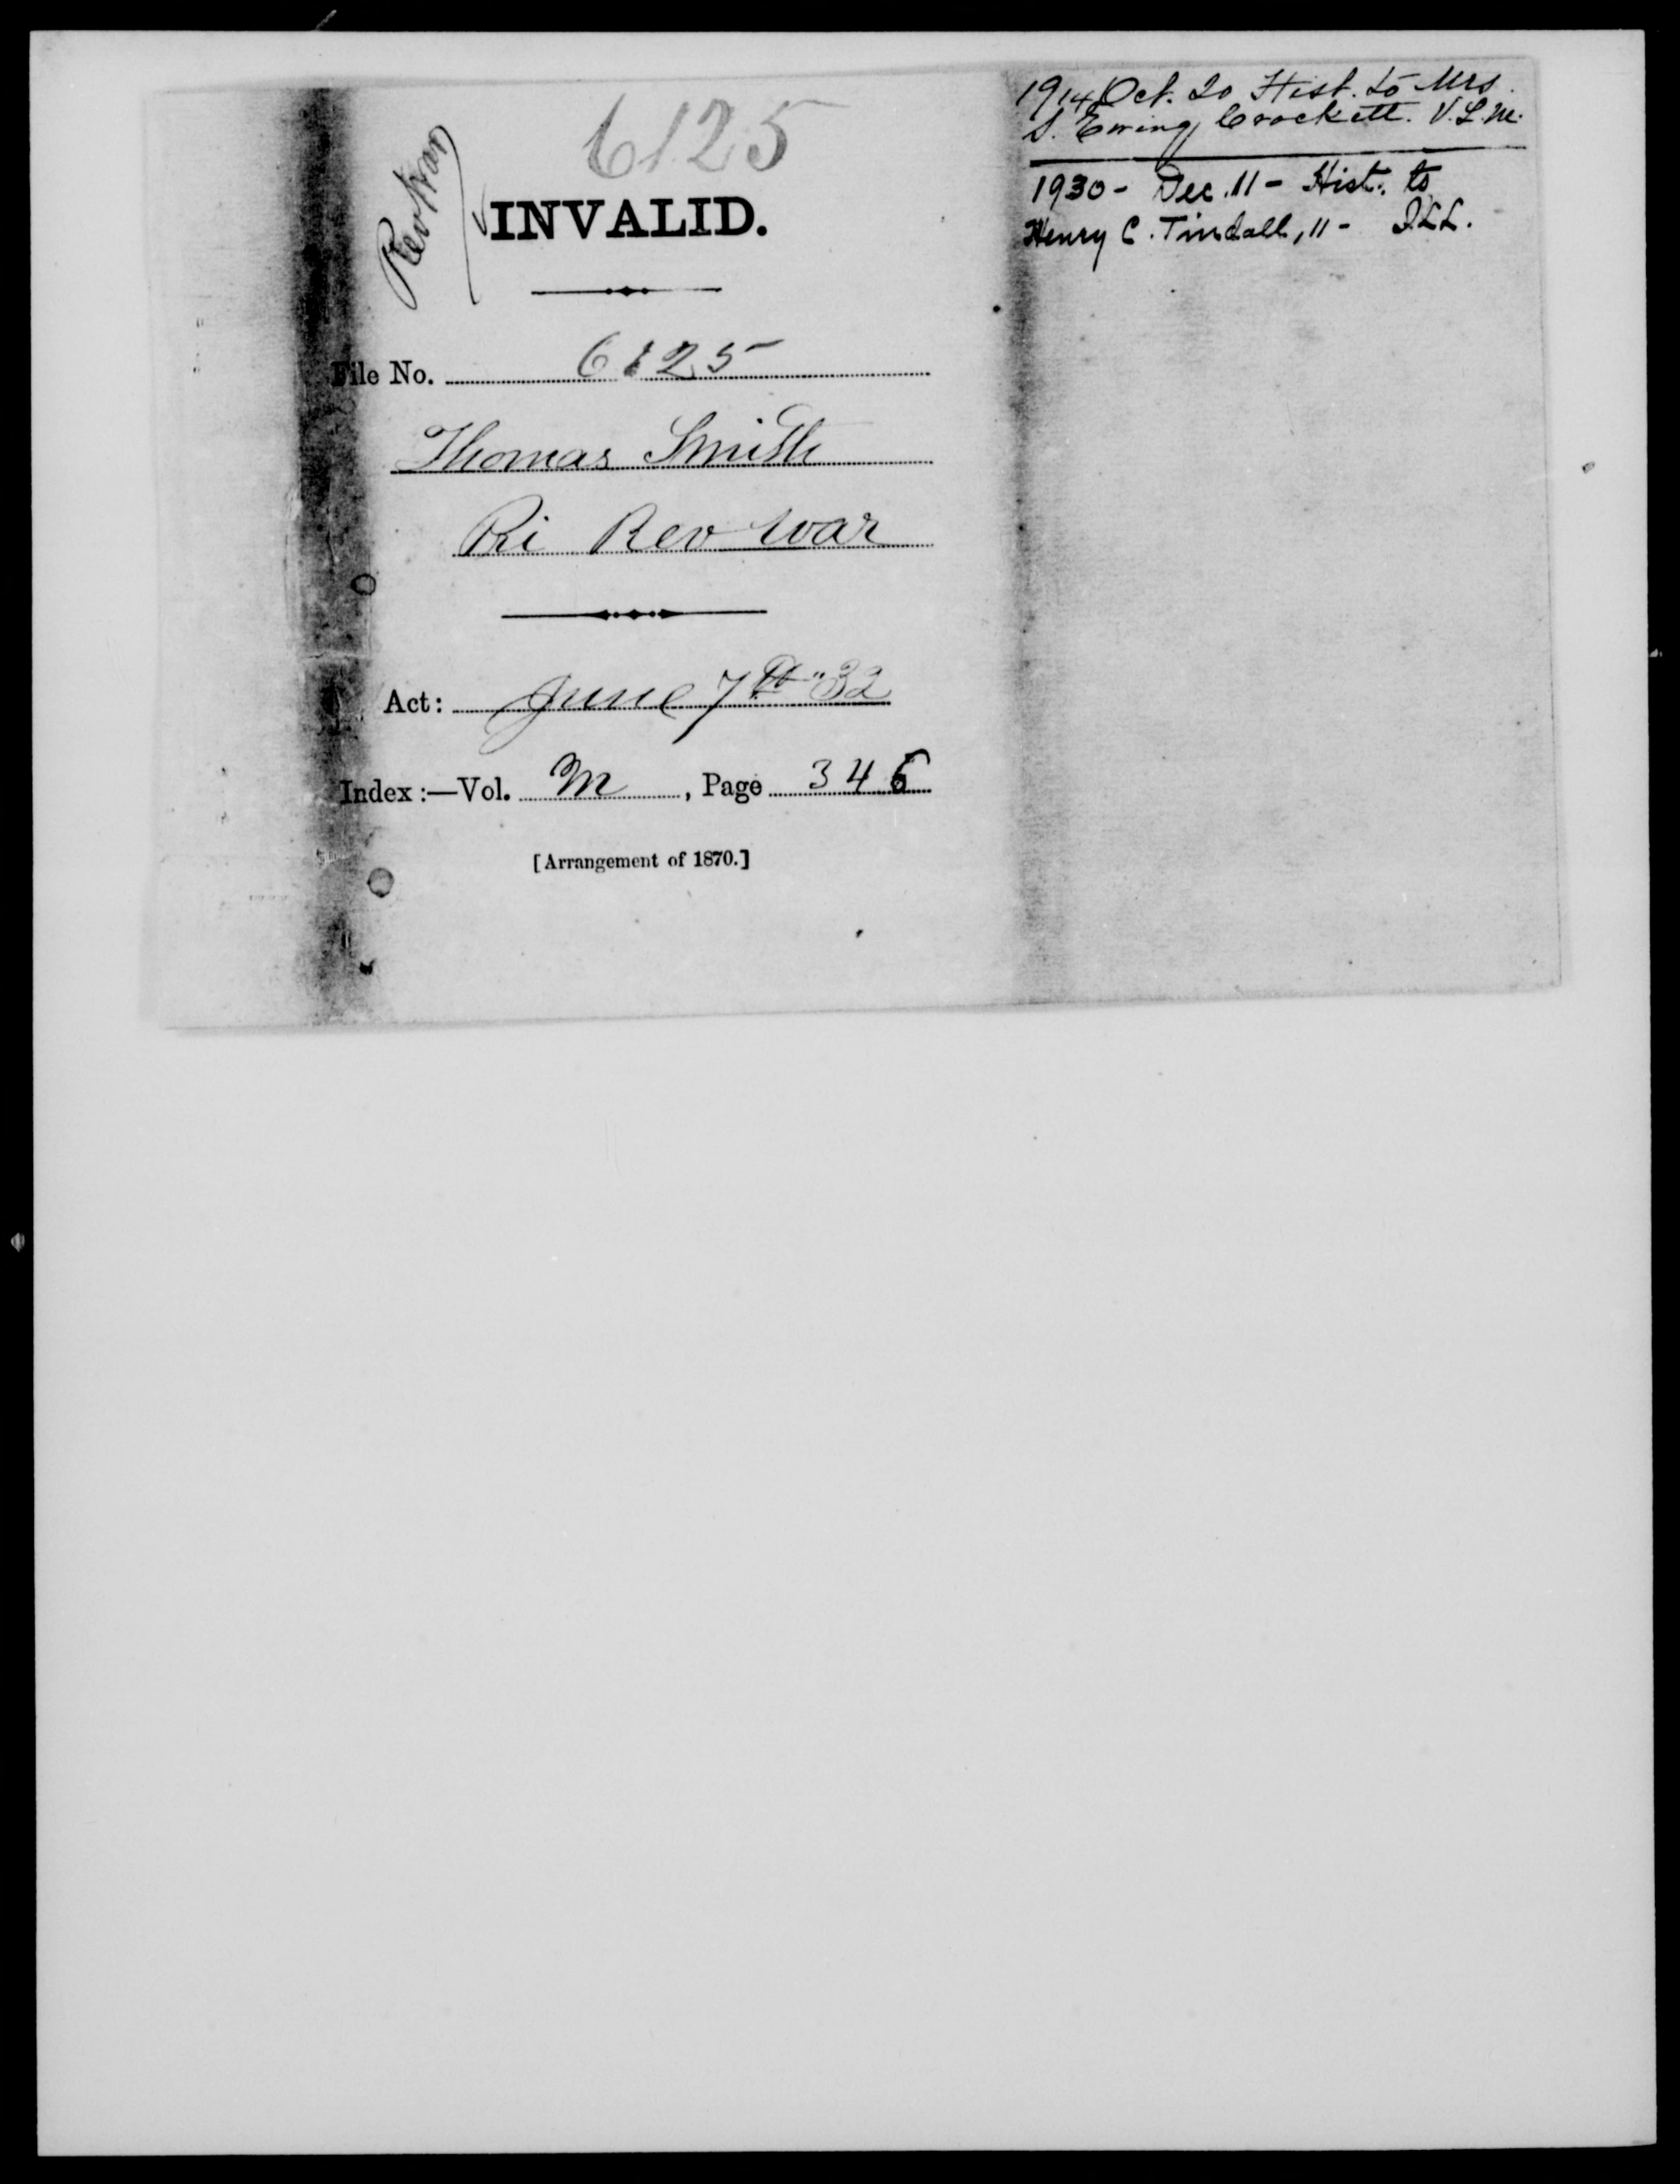Rev War 1625
INVALID. File No. 6125 Thomas Smith Pri Rev War Act: June 7th "32 Index:- Vol. M, Page 346 [Arrangement of 1870.]
19140Oct. 20 Hist to Mrs Ewing Crockett V.L.M. 1930. Dec. 11 - Hist to Henry C. Tindall, 11-Ill.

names: Thomas Smith; Henry C Tindall; S Ewing Crockett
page: 10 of 23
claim: survivor's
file: S. 6,125, for Thomas Smith, Virginia